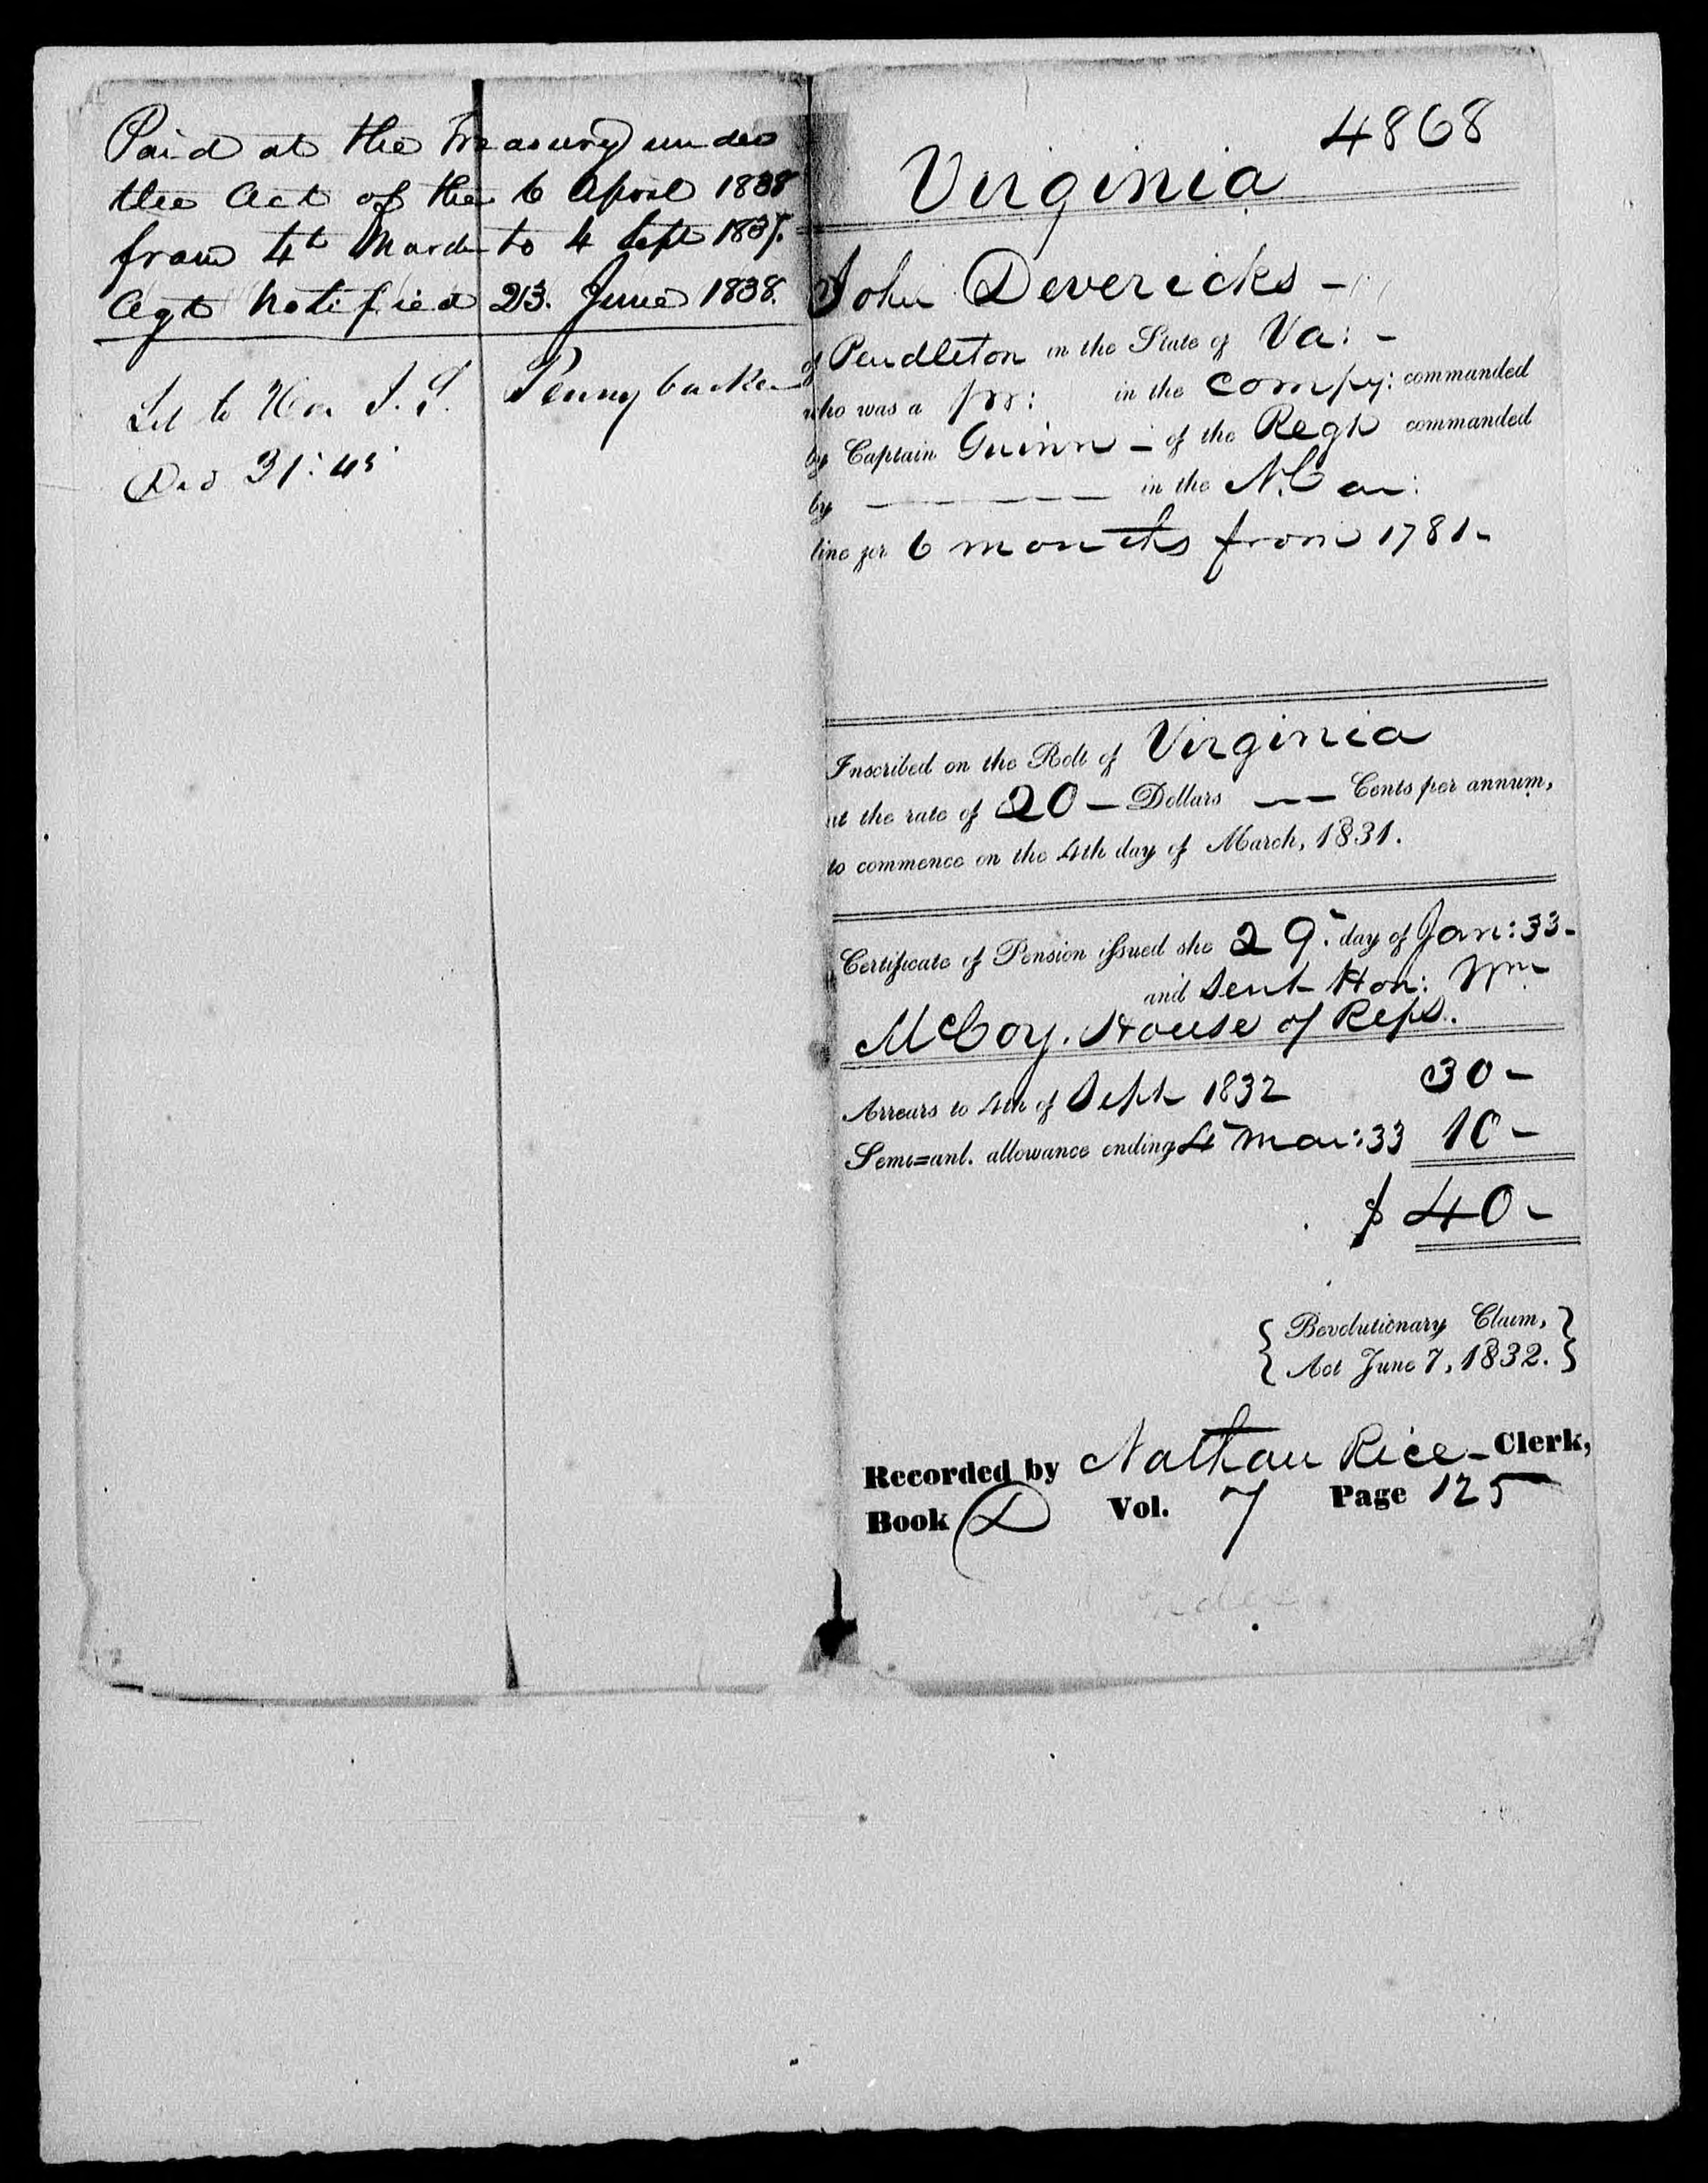Paid at the Treasury under the Act of the 6 April 1838 from 4th March to 4 Sept 1821. [illegible] [illegible] [illegible] June 1838.

[illegible] to Va J. T. Penny [illegible] 
Dec 31 45

Virginia 4868
John Devericks of Pendleton in the State of Va: who was a pr: in the country: commanded by Captain Guinn of the Regt commanded by [blank] in the [illegible] line for 6 months from 1781.

Inscribed on the Roll of Virginia at the rate of 20 Dollars [blank] Cents per annum, to commence on the 4th day of March, 1831.

Certificate of Pension issued the 29 day of Jan: 33 Wm McCoy [illegible] of Reps[?].

Arrears to 4th of Sept 1832 Semi=anl. allowance ending 4 Mar: 33

30-
1c-
$40-

Revolutionary Claim, Act June 7, 1832.

Recorded by Nathan Rice Clerk, Book [illegible] Vol. 7 Page 12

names: Nathan Rice, John Devericks, Wm Mc Coy, Guinn, J T Penny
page: 3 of 35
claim: widow's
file: W 7007, John Devericks, Va.